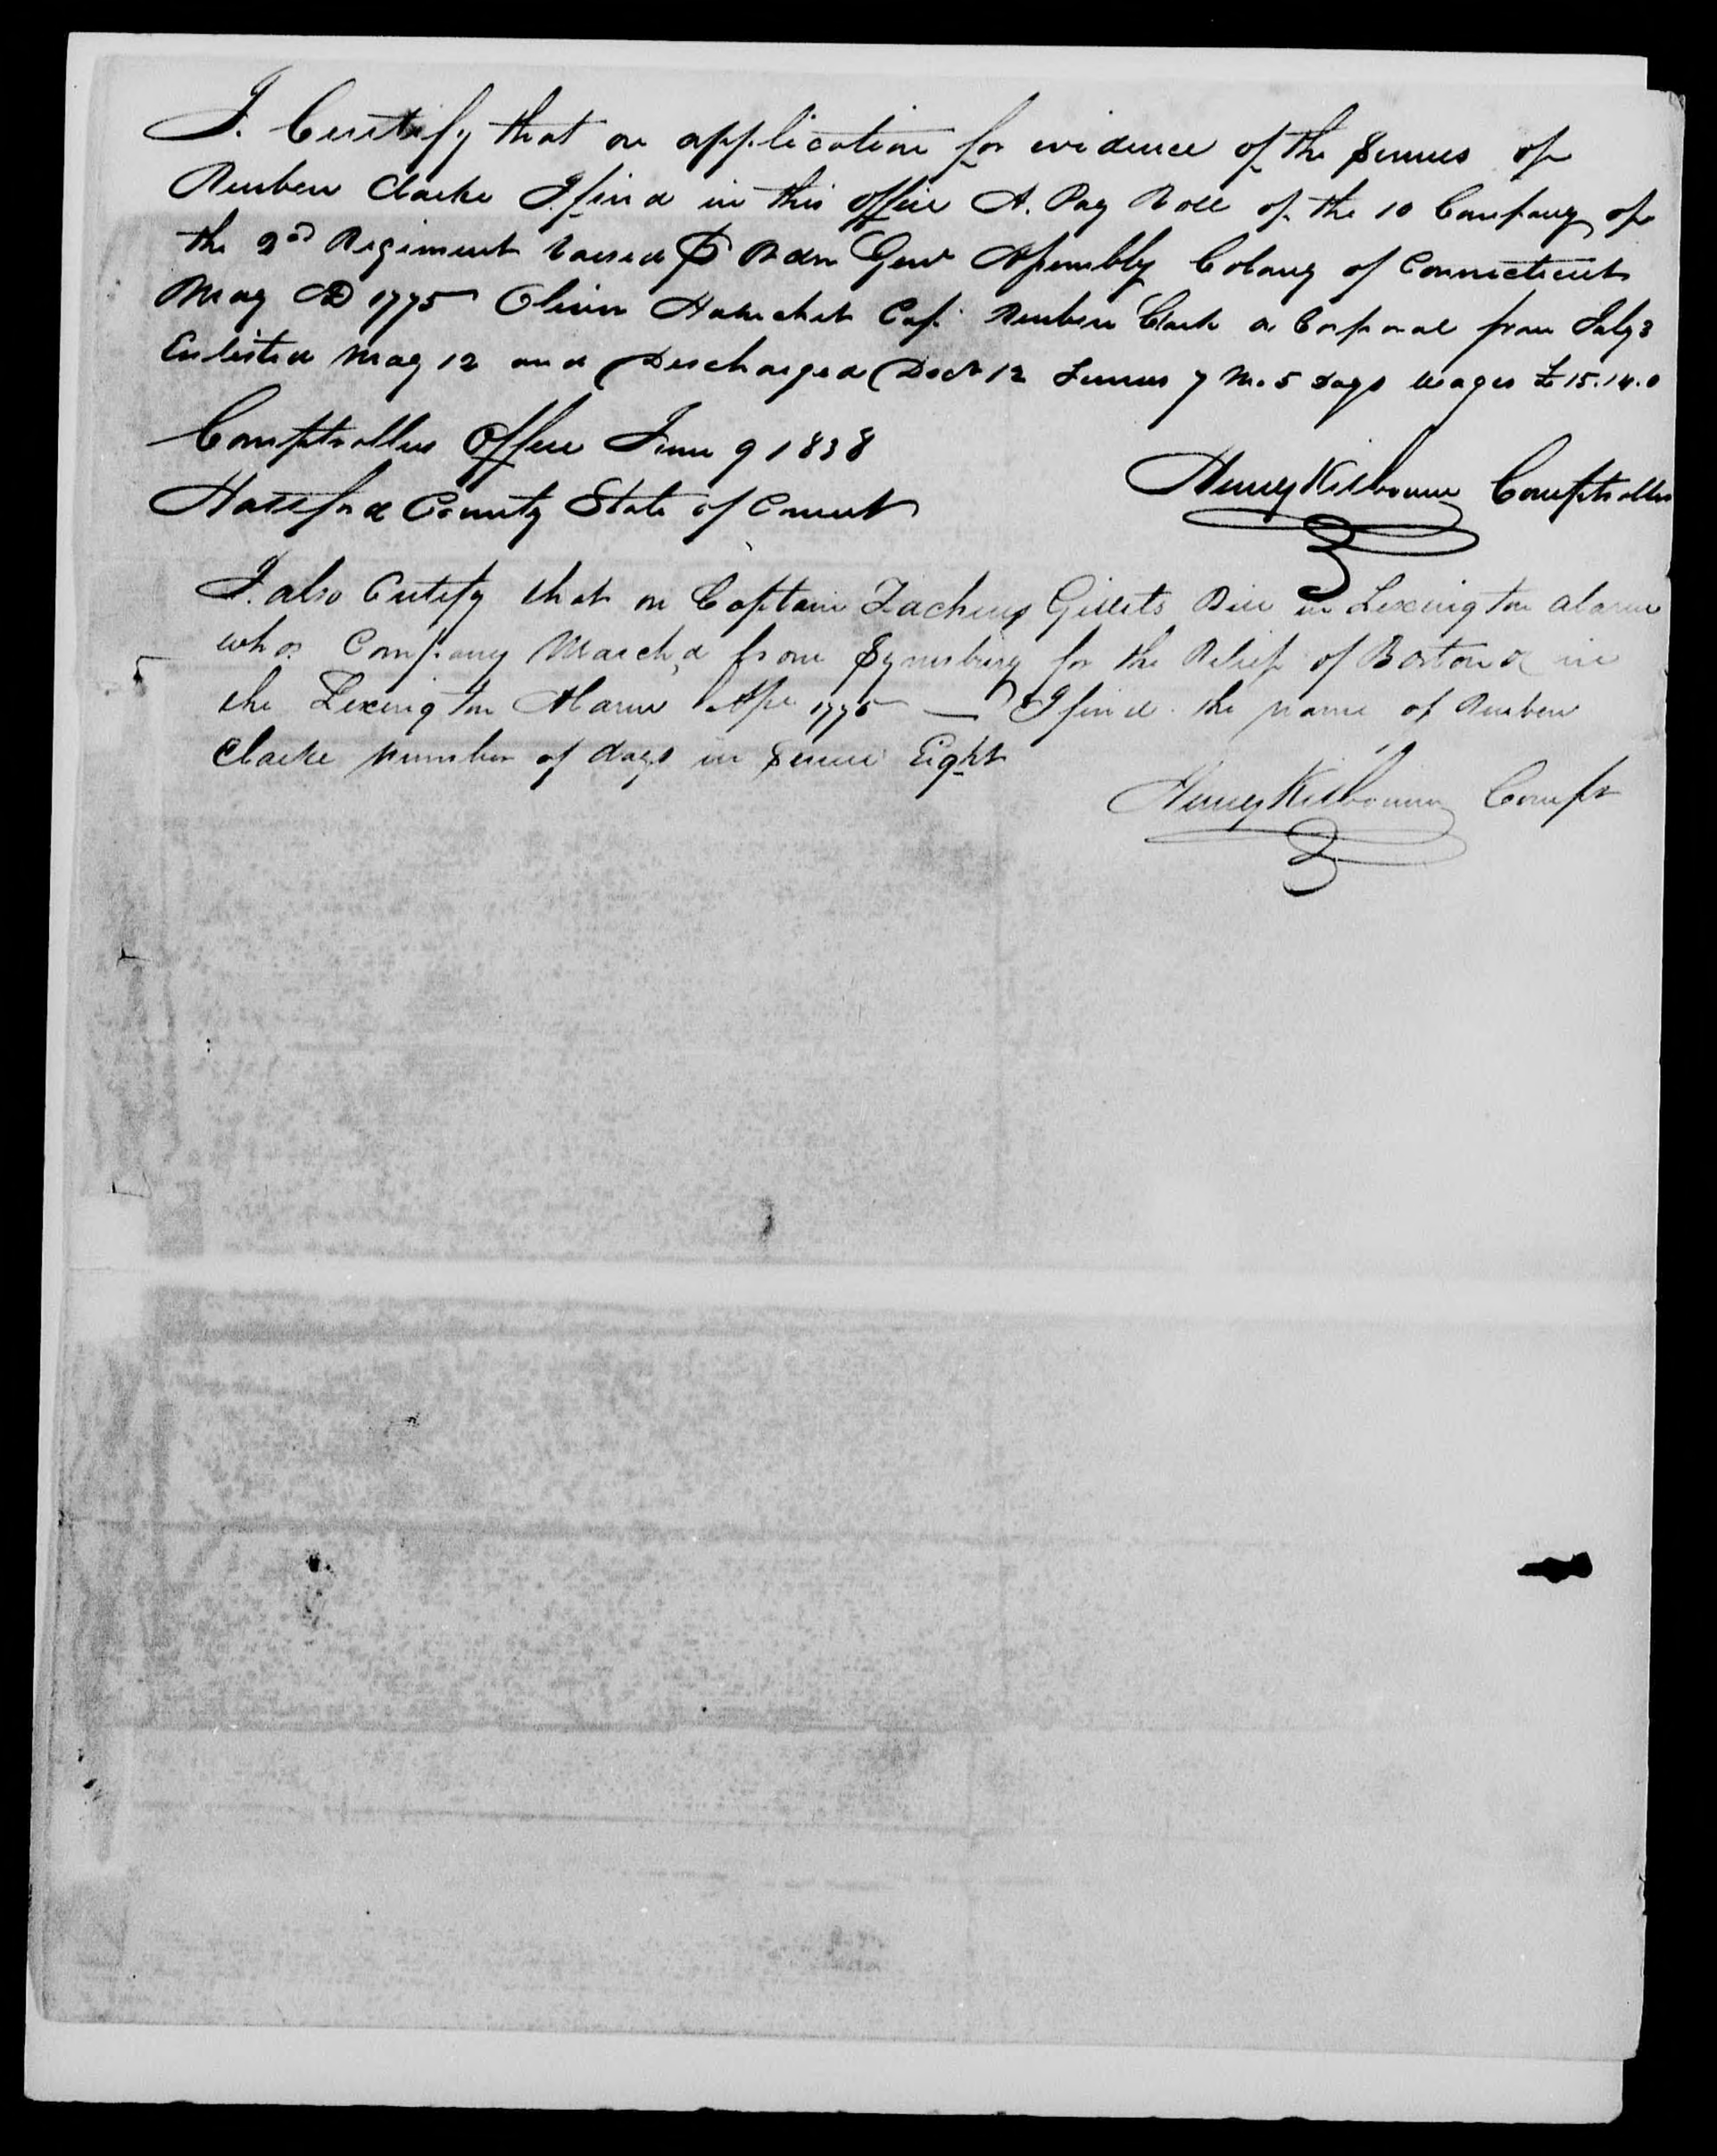[handwritten]
I Certify that on application for evidence of services of Reuben Clark I find in this office a Pay Roll of the 10 Company of the 2nd Regiment raised [unknown symbol] order Genl Assembly Colony of Connecticut May AD 1775 Oliver Hanchet Cap Reuben Clark a Corporal from July 3 Enlisted May 12 and discharged Decb 12 Term 7 mo 5 days wages £14.15.0
[signed] Henry Kilbourn Comptroller

Comptrollers Office June 9 1838
Hartford County State of Connt

I also certify that in Captain Zachary Gillets [illegible] in Lexington alarm whos Company March,d from Simsburg for the Relief of Boston or in the Lexington Alarm Apr 1775 – I find the name of Reuben Clark number of days in Service Eight
[signed] Henry Kilbourn Compt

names: Reuben Clark, Reuben Clarke, Oliver Hamchet, Henry Kilbourn, Henry Kilbourne, Zacheus Gillets, Reuben Clarke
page: 17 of 26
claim: widow's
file: W. 14483, Reuben Clark, Conn.